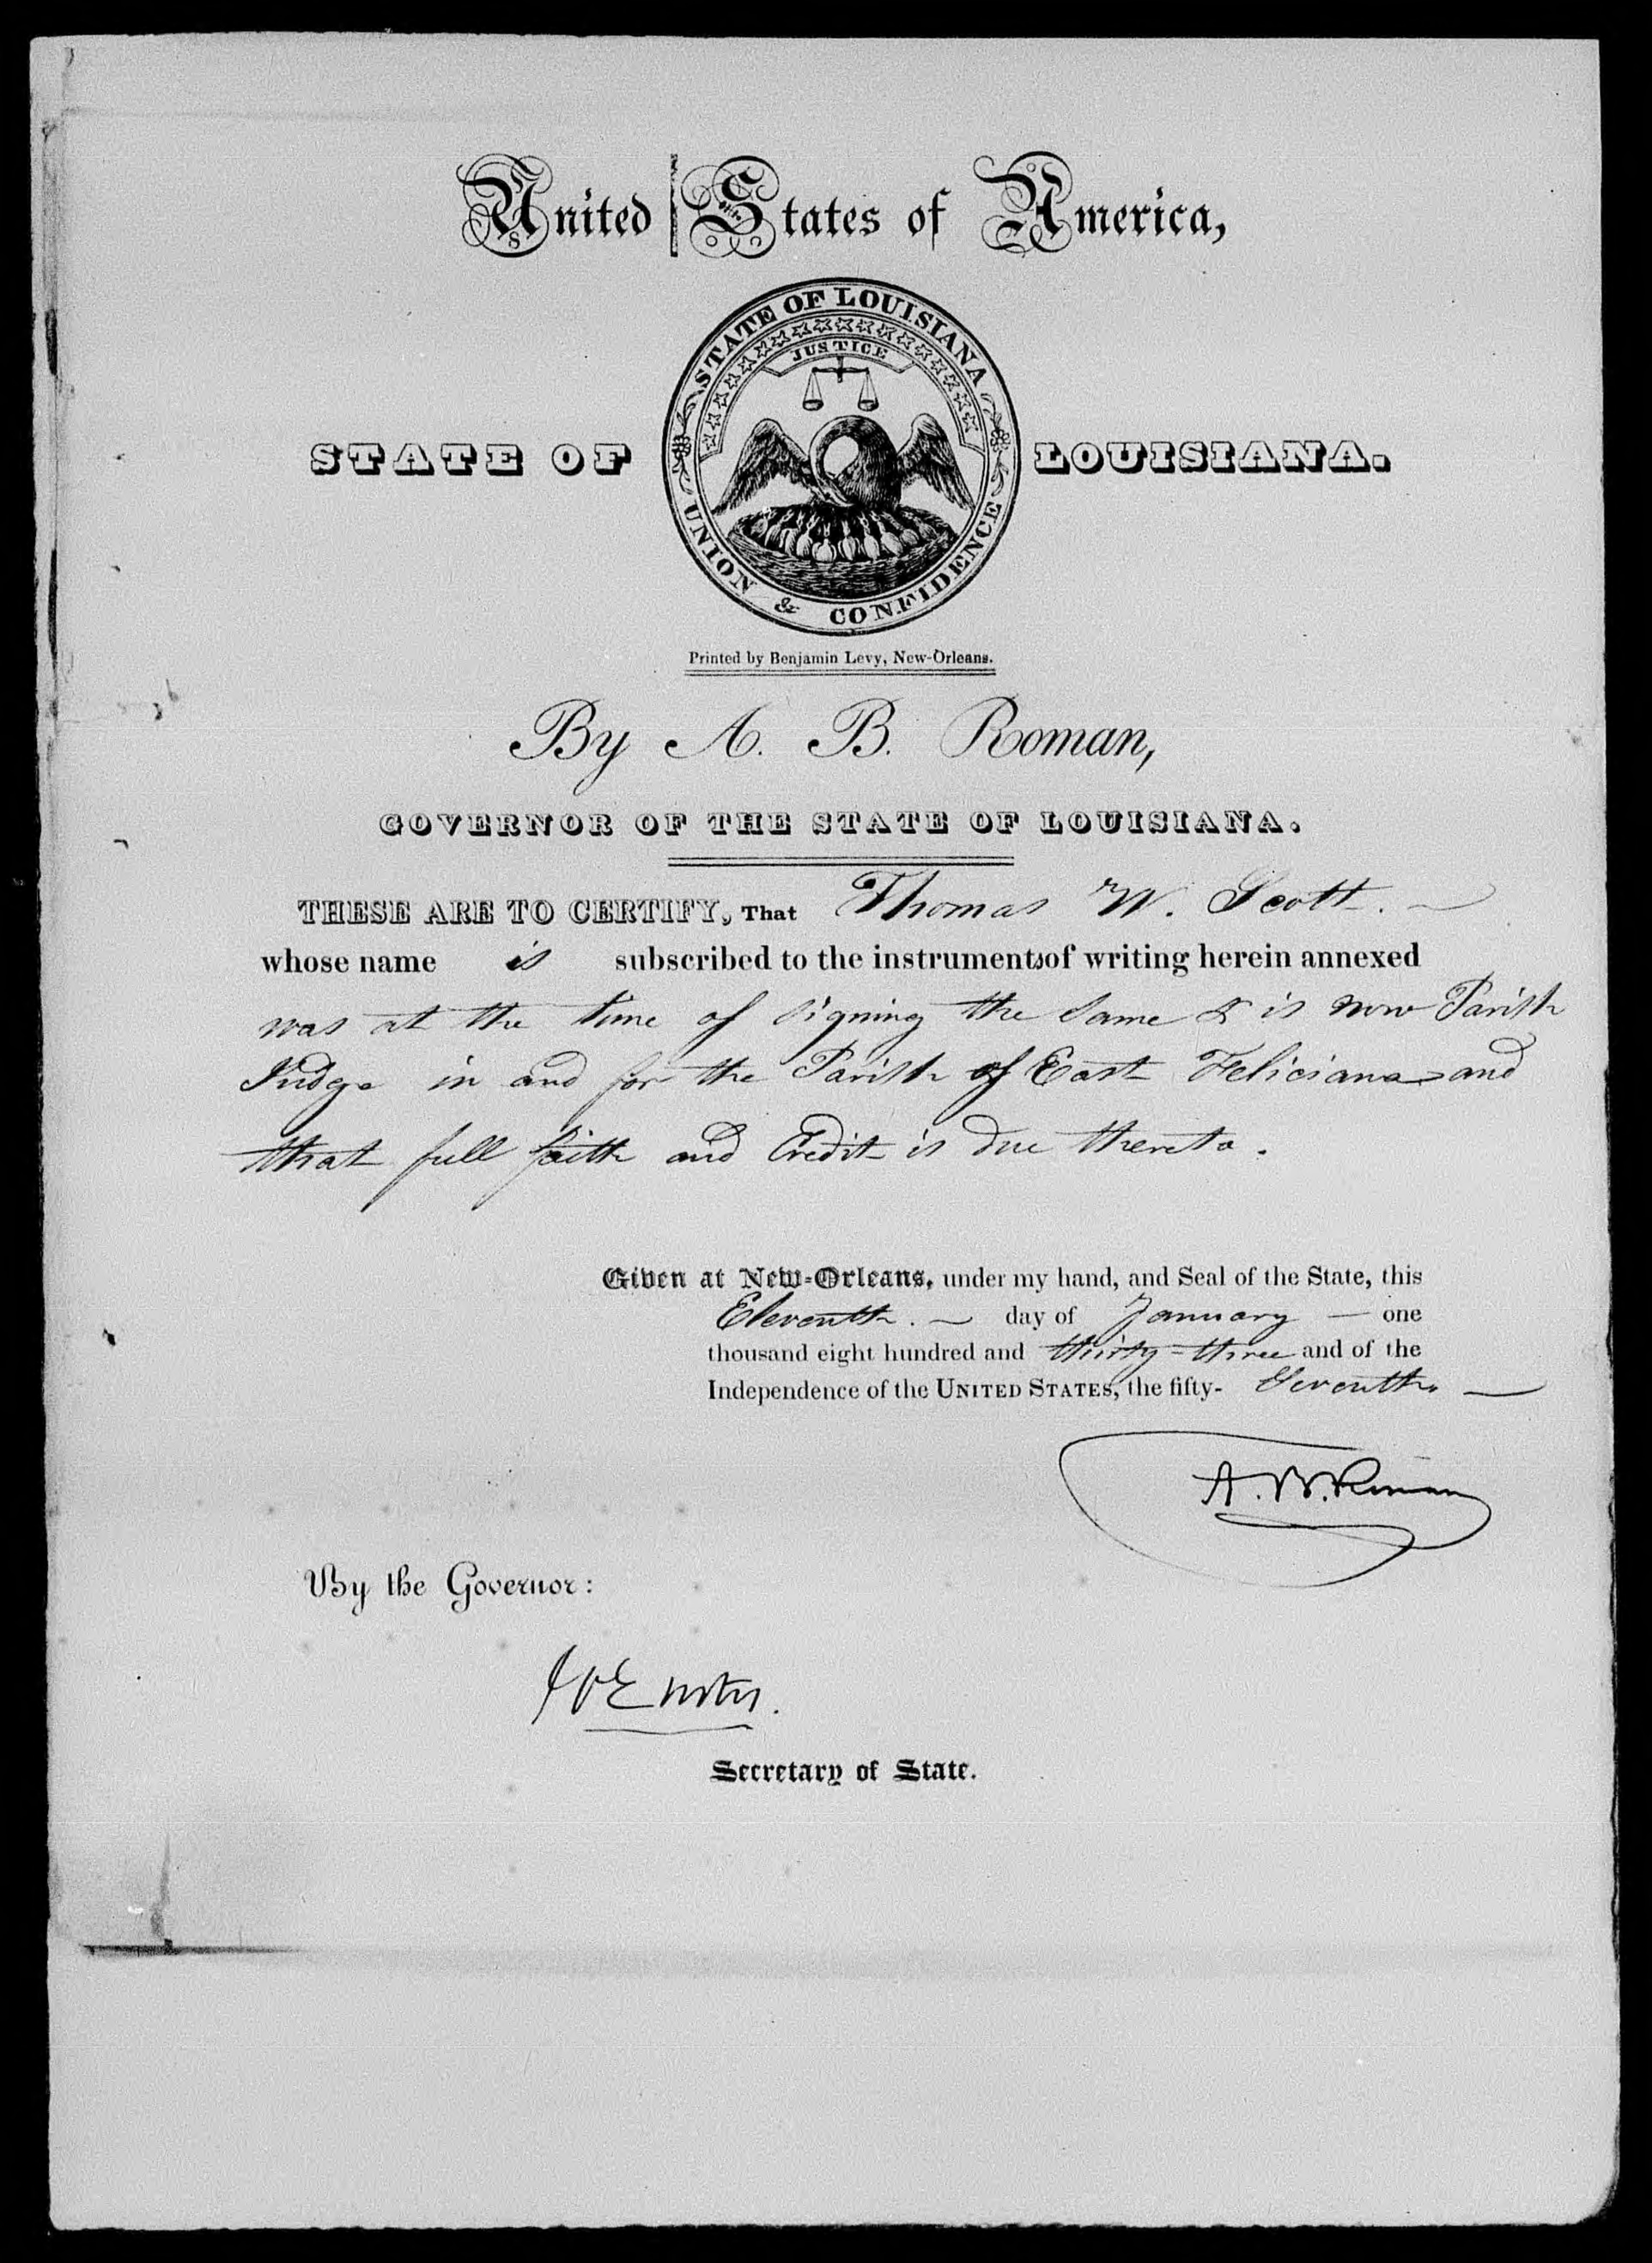United States of America,
STATE OF LOUISIANA

[seal]STATE OF LOUISIANA JUSTICE UNION & CONFIDENCE

Printed by Benjamin Levy, New Orleans.
By A. B. Roman,
GOVERNOR OF THE STATE OF LOUISIANA.
THESE ARE TO CERTIFY, That Thomas W. Scott
whose name is subscribed to the instruments of writing herein annexed
was at the time of signing the same & is now Parish
Judge in and for the Parish of East Feliciana and
that full faith and credit is due thereto.
Given at New Orleans, under my hand and Seal of the State, this
Eleventh day of January one
thousand eight hundred and thirty three and of the
Independence of the UNITED STATES, the fifty Seventh
A.B. Roman
By the Governor:
G. Eustis
Secretary of State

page: 11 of 54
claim: survivor's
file: S. 31166, for Thomas Jackson, South Carolina